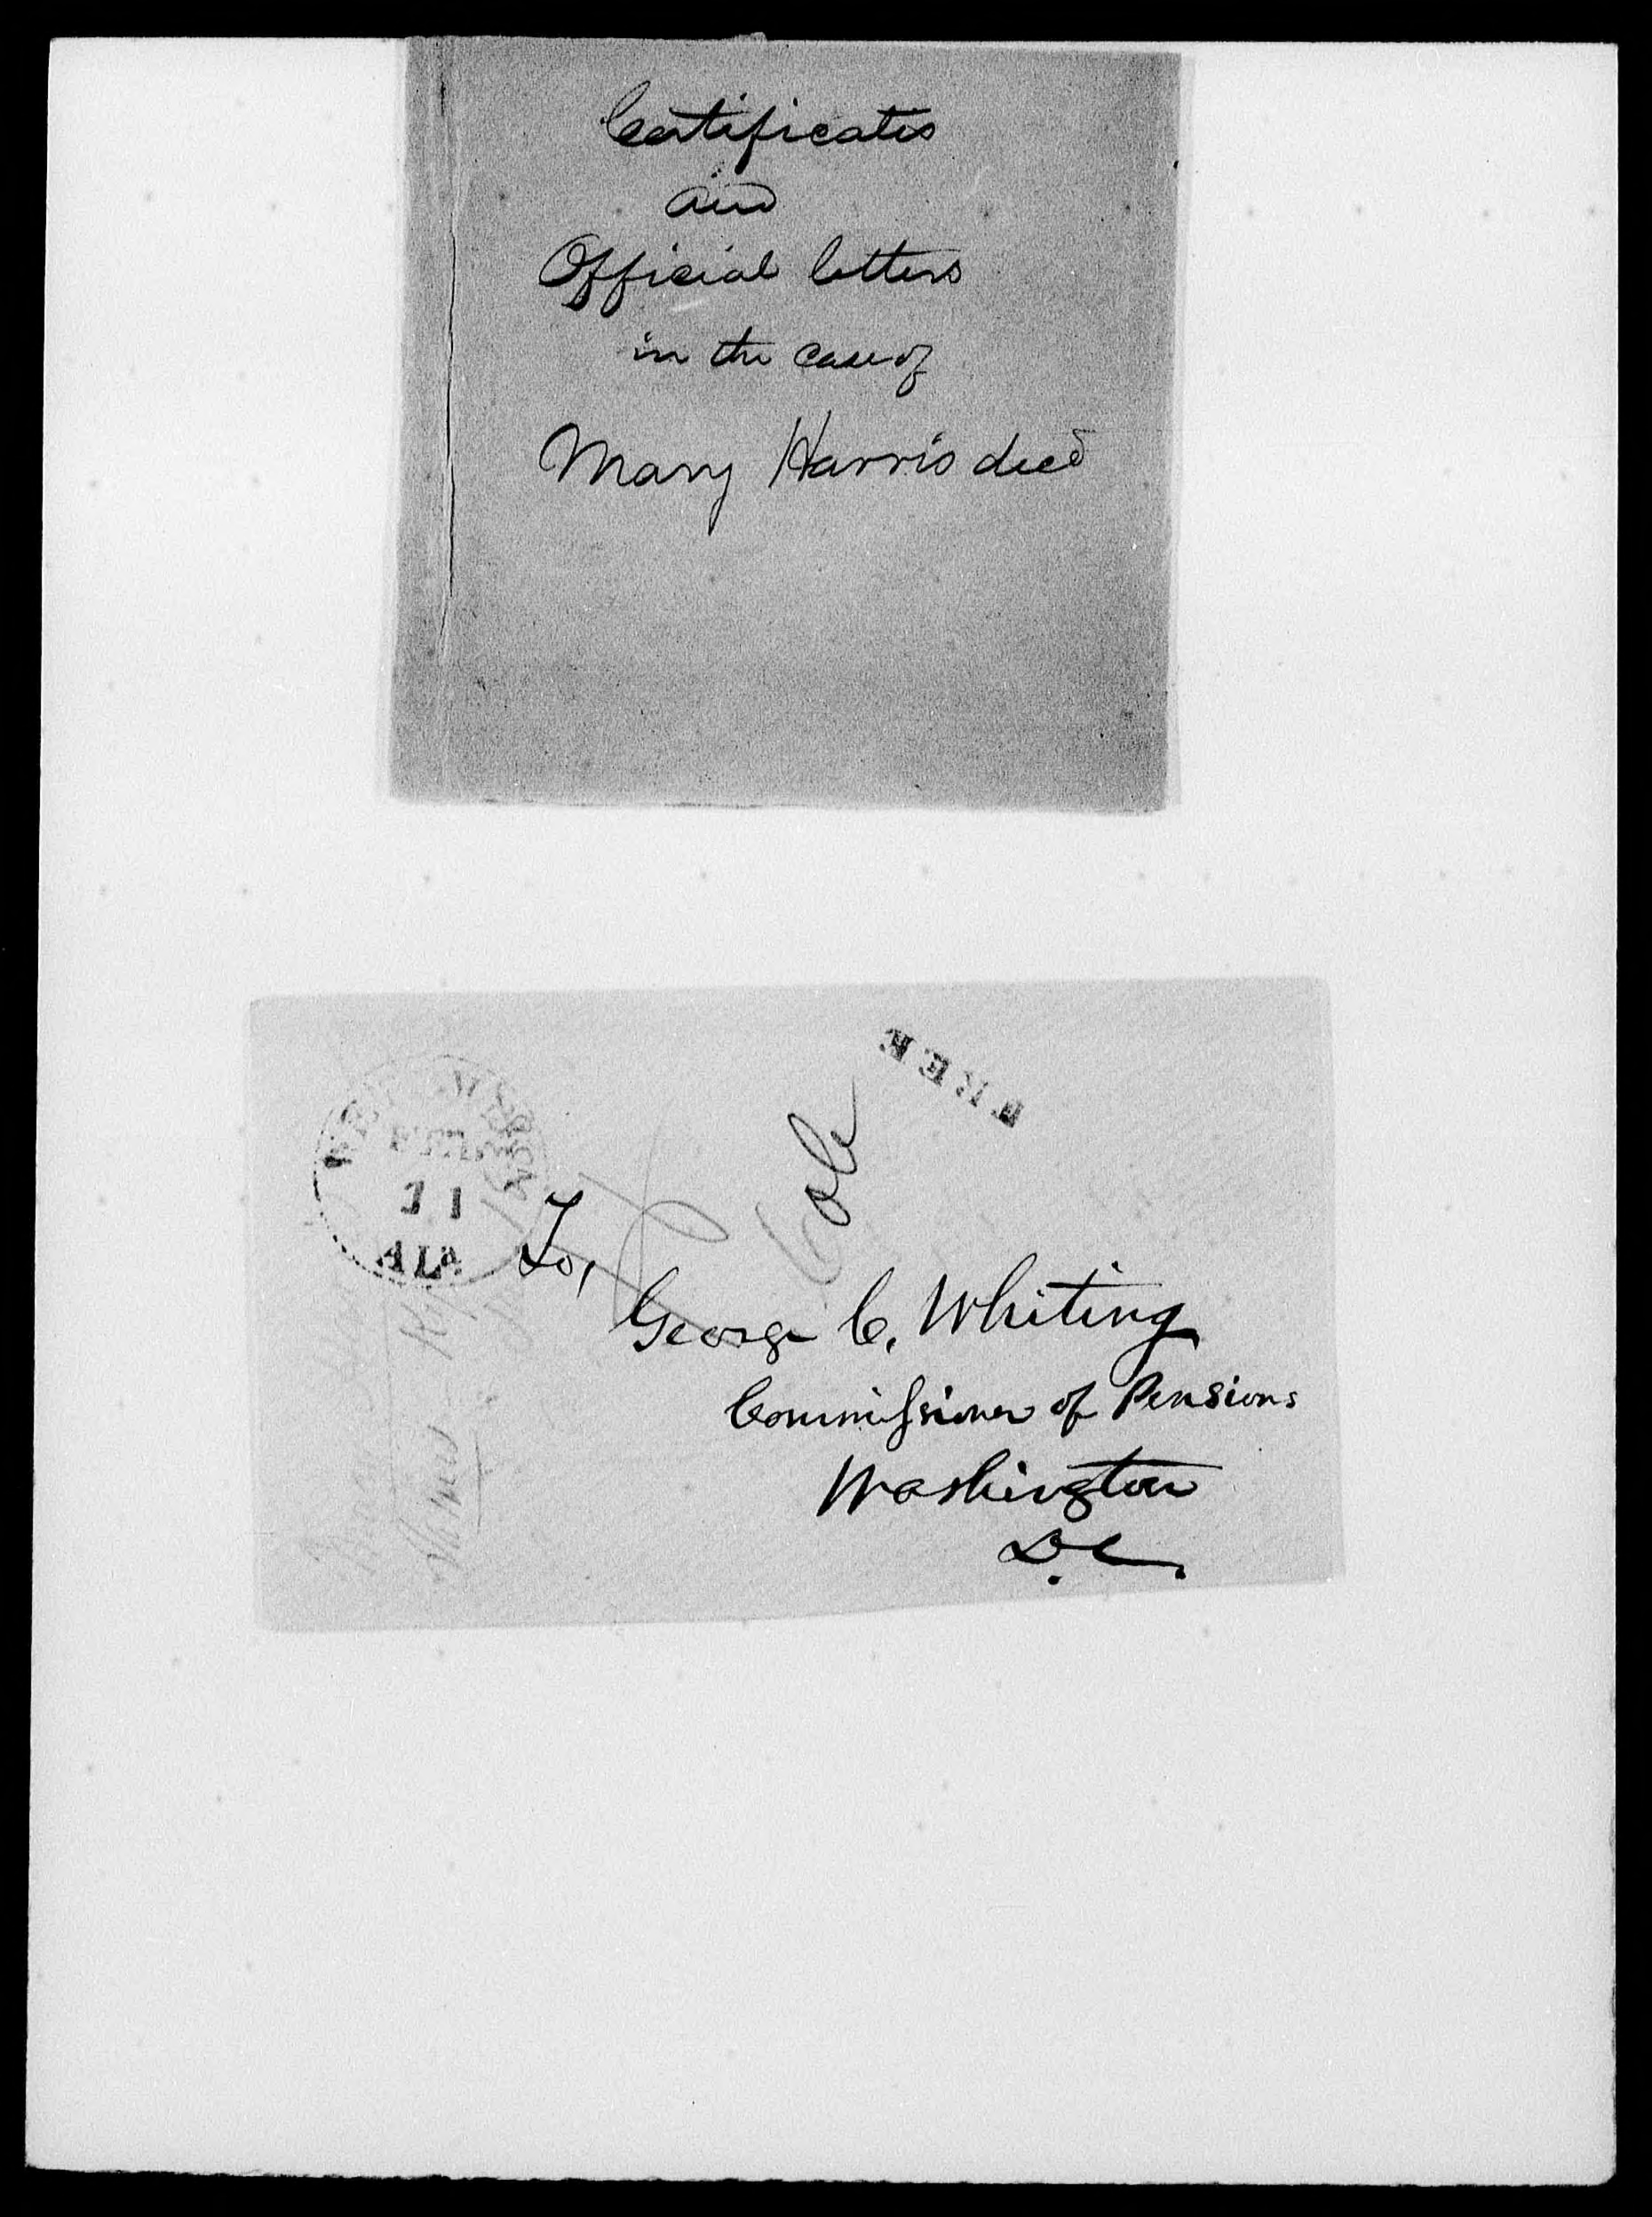Certificate
and
Official letters
in the case of
Mary Harris decd

[item is an envelope]
[postmark]
WETUMPKA
[illeg.]
ALa

Cole  

FREE

To,
George C. Whiting
Commissioner of Pensions
Washington
D.C.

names: Mary Harris, George C Whiting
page: 116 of 160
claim: rejected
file: R. 4666, James Harris, Va.